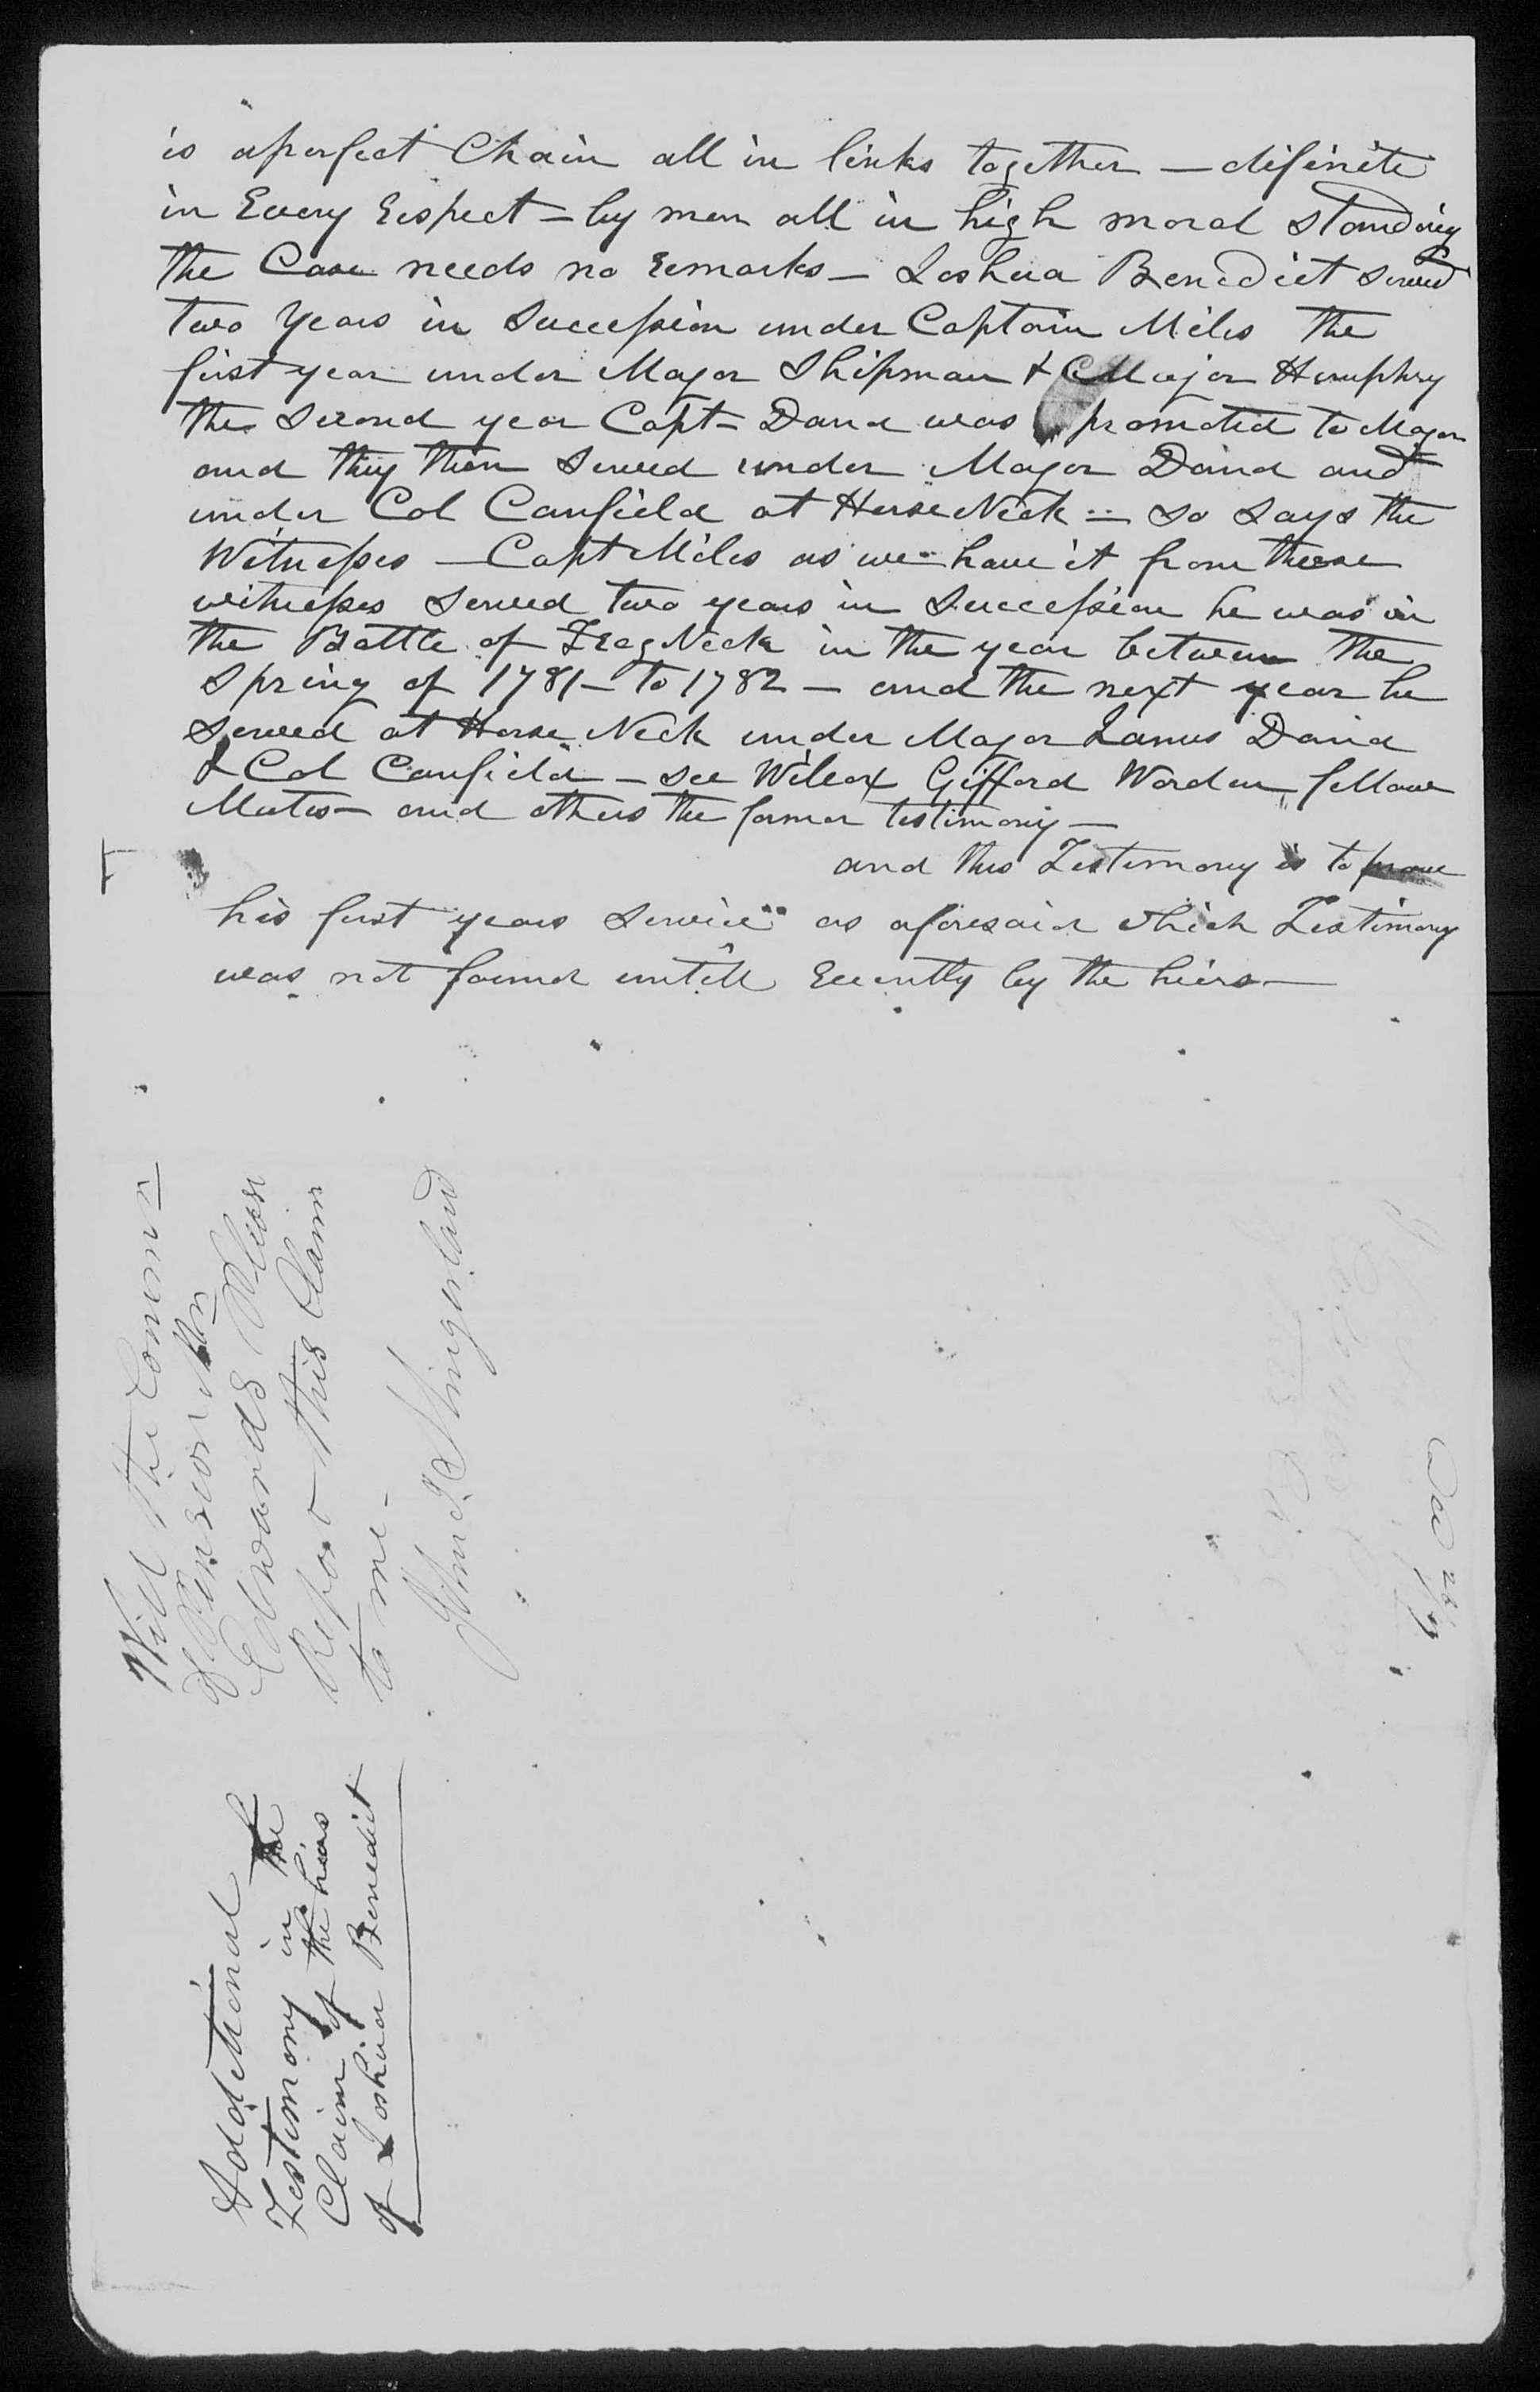is a perfect Chain all in links together - definite in Every respect - by men all in high moral standing the Case needs no remarks - Joshua Benedict served two years in succession under Captain Miles the first year under Major Shipman & Major Humphry [Humphreys] the second year Capt Dana was promoted to Major and they then served under Major Dana and under Col Canfield at Horse Neck - so says the Witnesses - Capt Miles as we have it from these witnesses served two years in Succession he was in the Battle of Frog Neck in the year between the spring of 1781- to 1782 - and the next year he served at Horse Neck under Major Hames David & Col Canfield - see Wilcox Gifford Worden fellow Mates - and others the former testimony -
and this Testimony is to prove his first years service as aforesaid which Testimony was not found untill [until] recently by the heirs.

[following text also appears on a previous page, p.34]
Additional Testimony in the Claim of the heirs of Joshua Benedict

Will the Commr of Pension Mr Edwards Please Repost this Claim to me-
John. J. Slingerland

00 23/2
J [illegible]
Col has Charge
this Case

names: Shipman, Humphry, Joshua Benedict, David, Miles, Joshua Benedict, Wm Edwards, James David, Miles, Wilcox Gifford, Canfield, David, Canfield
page: 35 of 106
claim: survivor's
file: S 23,116., Joshua Benedict, Conn.